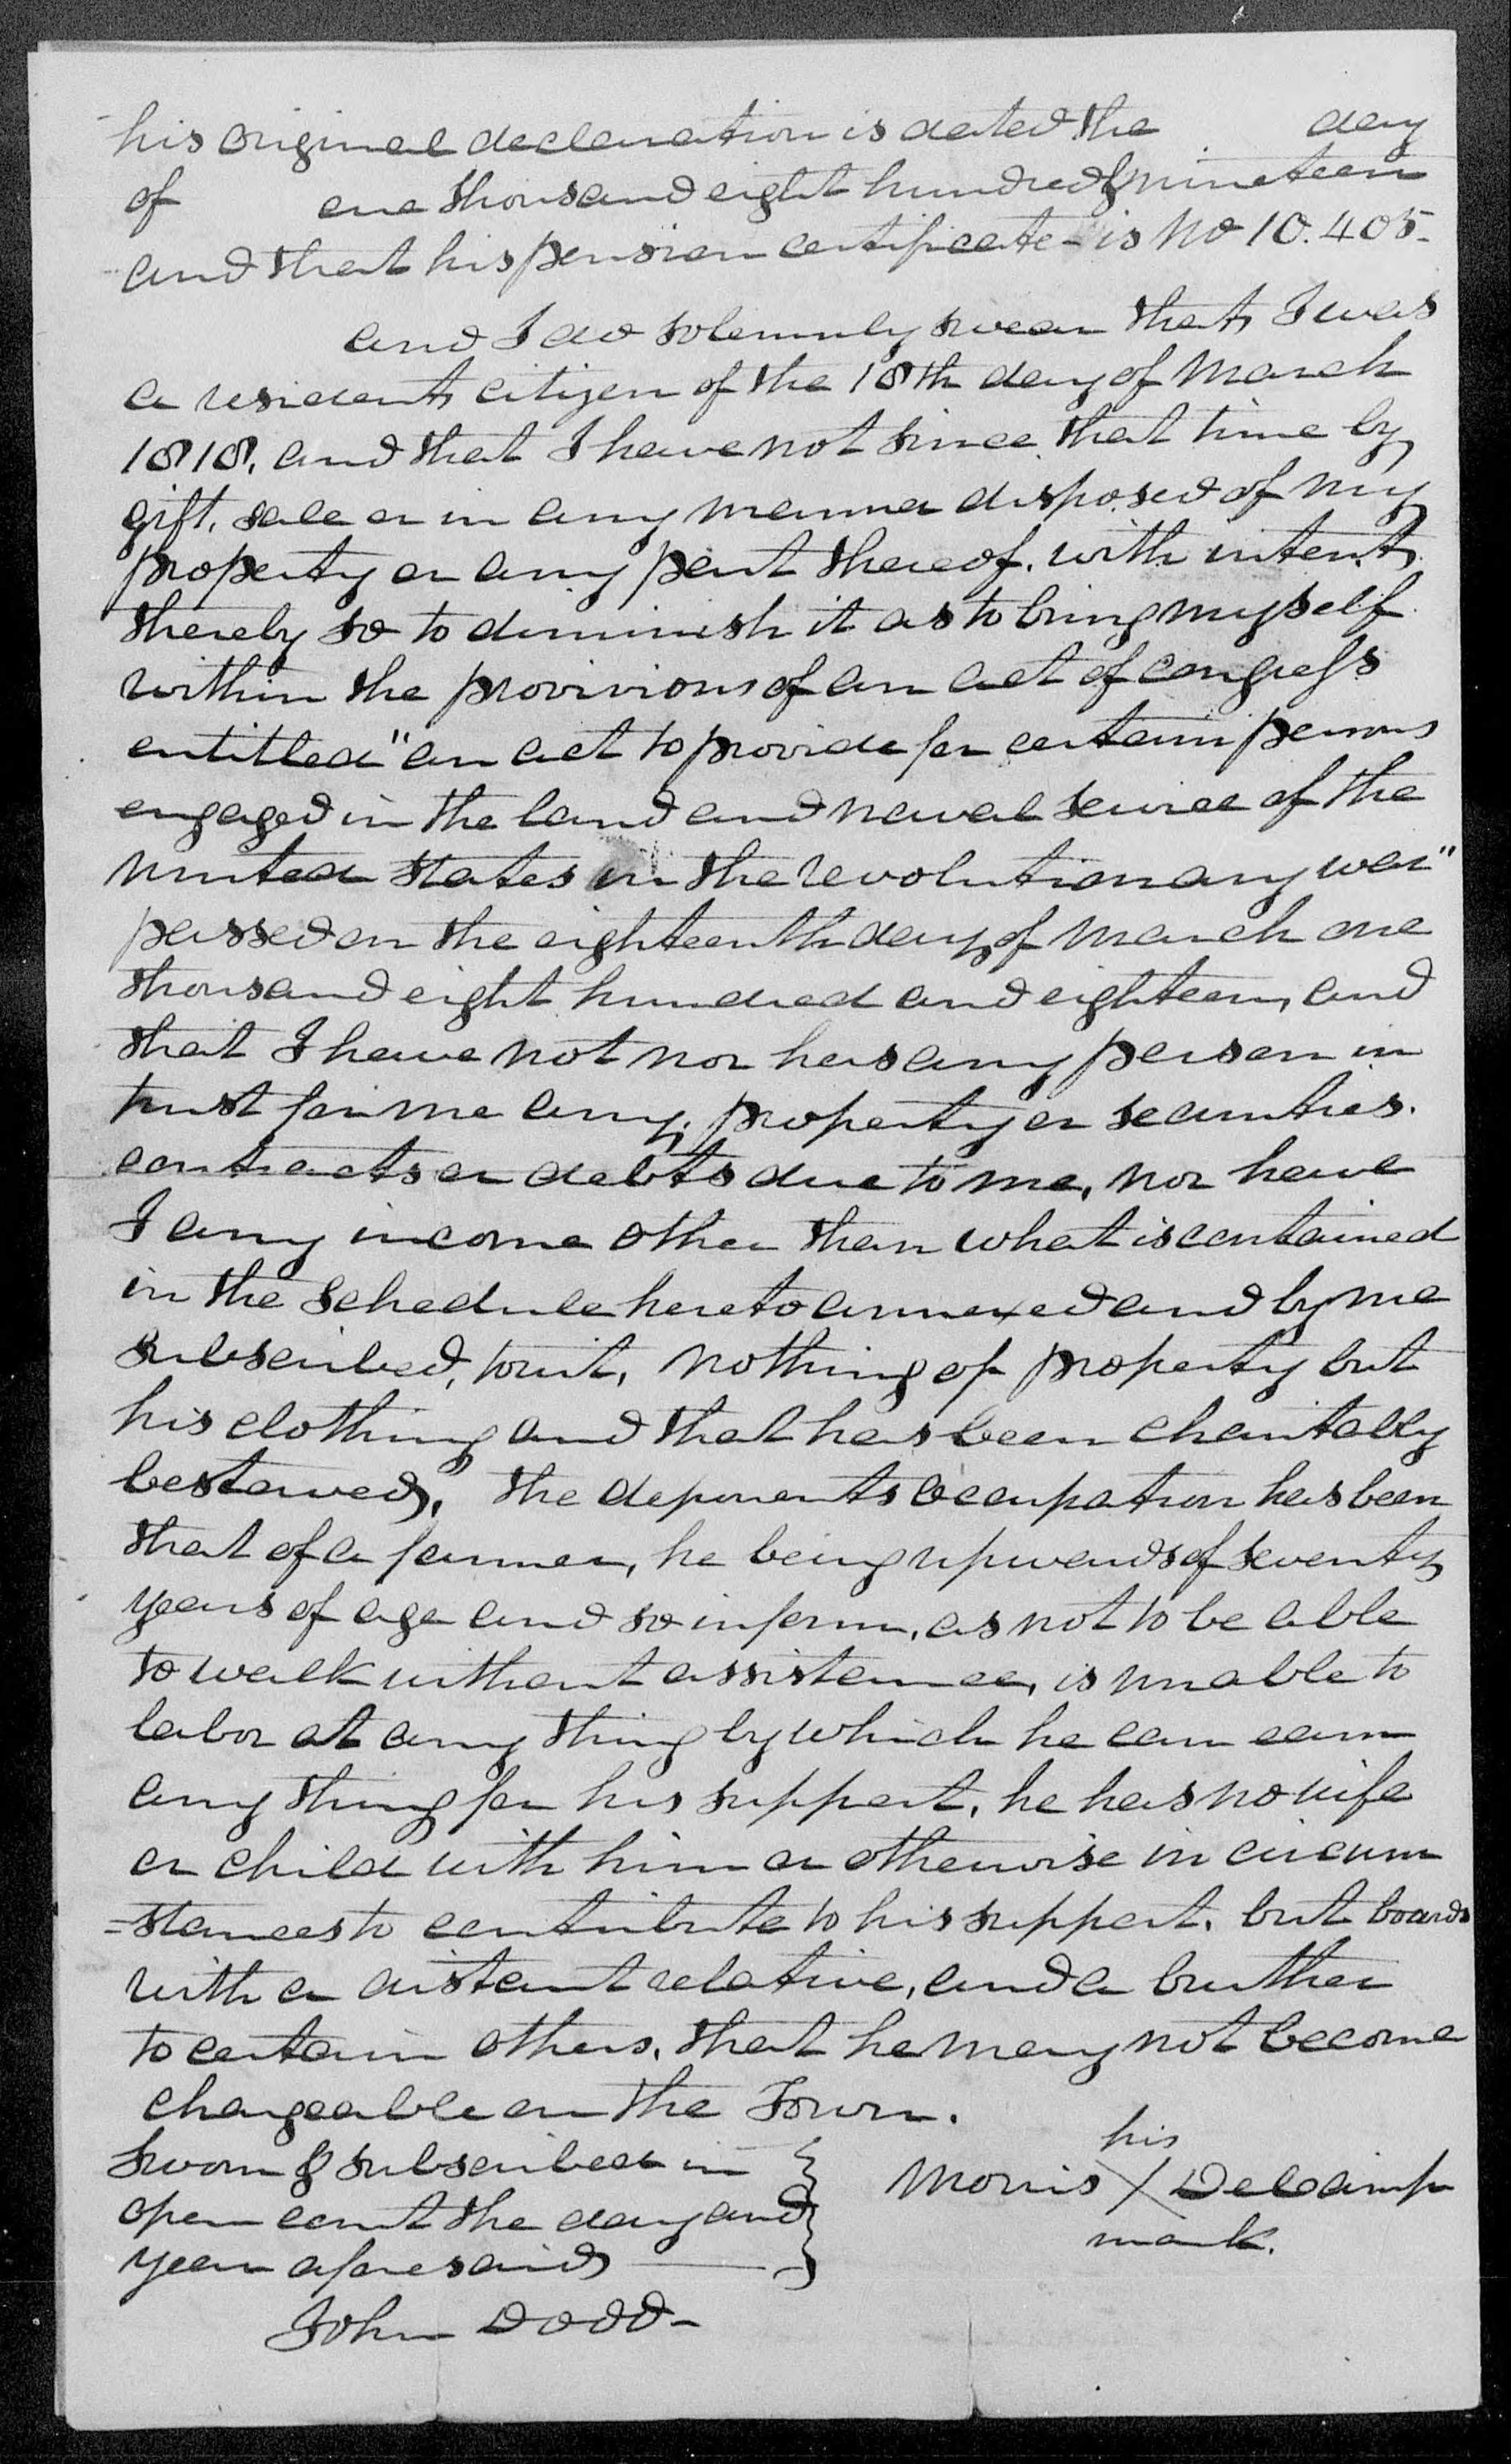his original declaration is dated the       day of      one thousand eight hundred nineteen and that his pension certificate is no. 10405
and I do solemnly swear that I was a resident citizen of the 10th day of March 1818, and that I have not since that time by gift, sale or in any manner disposed of my property or any part thereof with intent thereby so to diminish it as to bring myself within the provisions of an act of congress entitled "an act to provide for certain persons engaged in the land and naval service of the United States in the revolutionary war" passed on the eighteenth day of March one thousand eight hundred and eighteen, and that I have not nor has any person in part for me any property as securities contracts or debts due to me, nor have I any income other than what is contained in the schedule hereto annexed and by me subscribed, to wit, nothing of property but his clothing and that he has been charitably bestowed, the deponents occupation has been that of a farmer, he being upwards of seventy years of age and so infirm as not to be able to walk without assistance, is unable to labor at anything by which he can earn anything for his support, he has no wife or child with him as otherwise in circumstances to contribute to his support but boards with a distant relative and  brother to certain others, that he may not become chargeable on the Town. 
  Morris DeCamp his x mark
Sworn and subscribed in open court the day and year aforesaid
 John Dodd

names: Morris Decamp, John Dodd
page: 11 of 52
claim: survivor's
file: S. 34172, Morris D Camp, Continental (New Jersey)